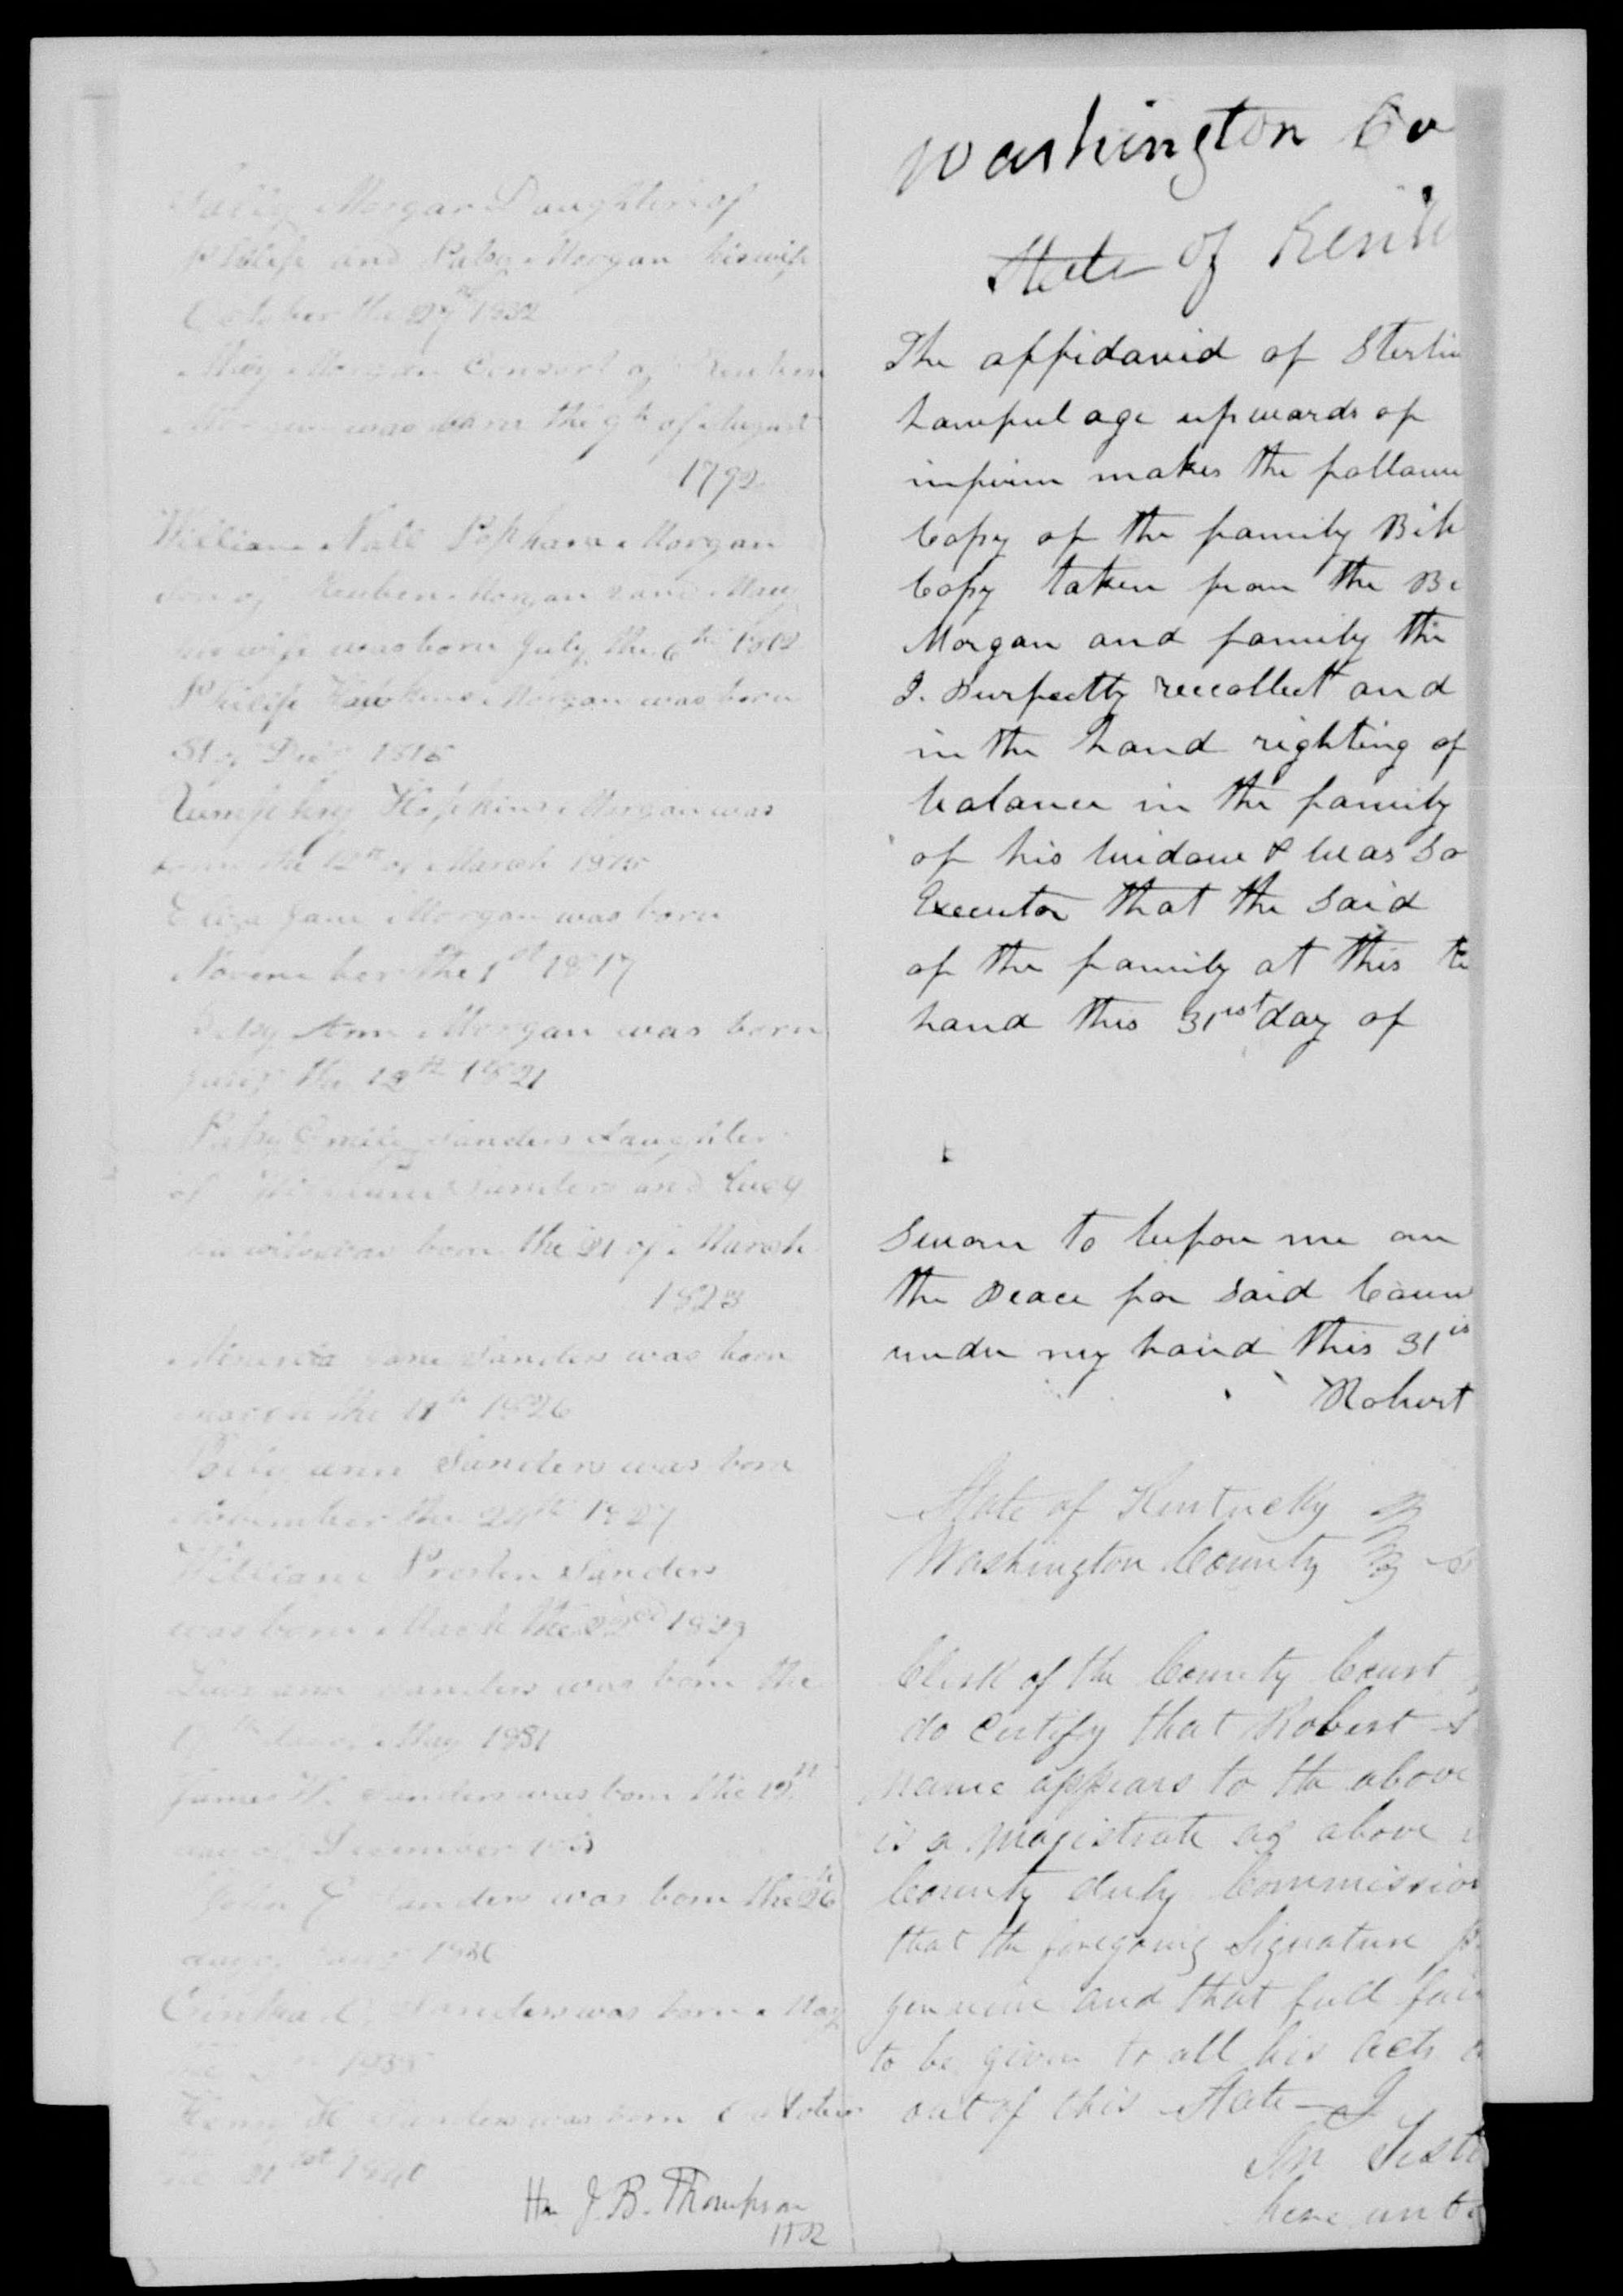Sally Morgan Daughter of
Philip and Patsy Morgan his wife
October 27th 1832
Mary Morgan consort of Reuben
Morgan was born the 9th of August 1792
William Nall Popham Morgan
Son of Reuben Morgan and Mary
his wife was born July the 6th 1812
Philip Hawkins Morgan was born
31 of Dec 1818
Umphrey Hopkins Morgan was
born the 12th of March 1815
Eliza Jane Morgan was born
November the 1st 1817
Betsy Ann Morgan was born
Jany the 12th 1821
Patsy Emily Sanders daughter
of William Sanders and Lucy
his wife was born the 21 of March 1823
Minerva Jane Sanders was born
March the 11th 1826
Polly Ann Sanders was born
November the 24th 1827
William Preston Sanders was 
was born March the 22nd 1829
Lucy Ann Sanders was born the
17th day of May 1831
James W. Sanders was born the 12th
day of December 1833
John E Sanders was born the 26th 
day of Jany 1836
Cinthia O. Sanders was born May
the 3rd 1833
Henry H. Sanders was born October
the  21st 1840
Hr J. B. Thompson 
HR

Washington County
State of Kentucky
The affidavid of Sterlin
Lawful age upwards of
infirm makes the following
Copy of the family Bible
Copy taken from the B[illegible]
Morgan and family this
J Purfectly recollect and
in the hand righting [writing] of
balance in the family
of his widow & was so
Executor that the said
of the family at this [illegible]
hand this 31st day of 
Sworn to before me an
the peace for said County 
under my hand this 31st
Robert
State of Kentucky 
Washington County
Clerk of the County court
do Certify that Robert
name appears to that above
is a magistrate as above
County duly Commission
that the foregoing Signature
genuine and that full fair
to be given to all his act 
our of this State J
In Test
here unto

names: William Nall; Hopkin Morgan; Patsy Morgan; Robert S Maine; J B Thompson; [BLANK] Morgan; Reuben Morgan; William Preston; Sath Morgan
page: 6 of 16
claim: rejected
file: R 7386, for Philip Morgan, Georgia